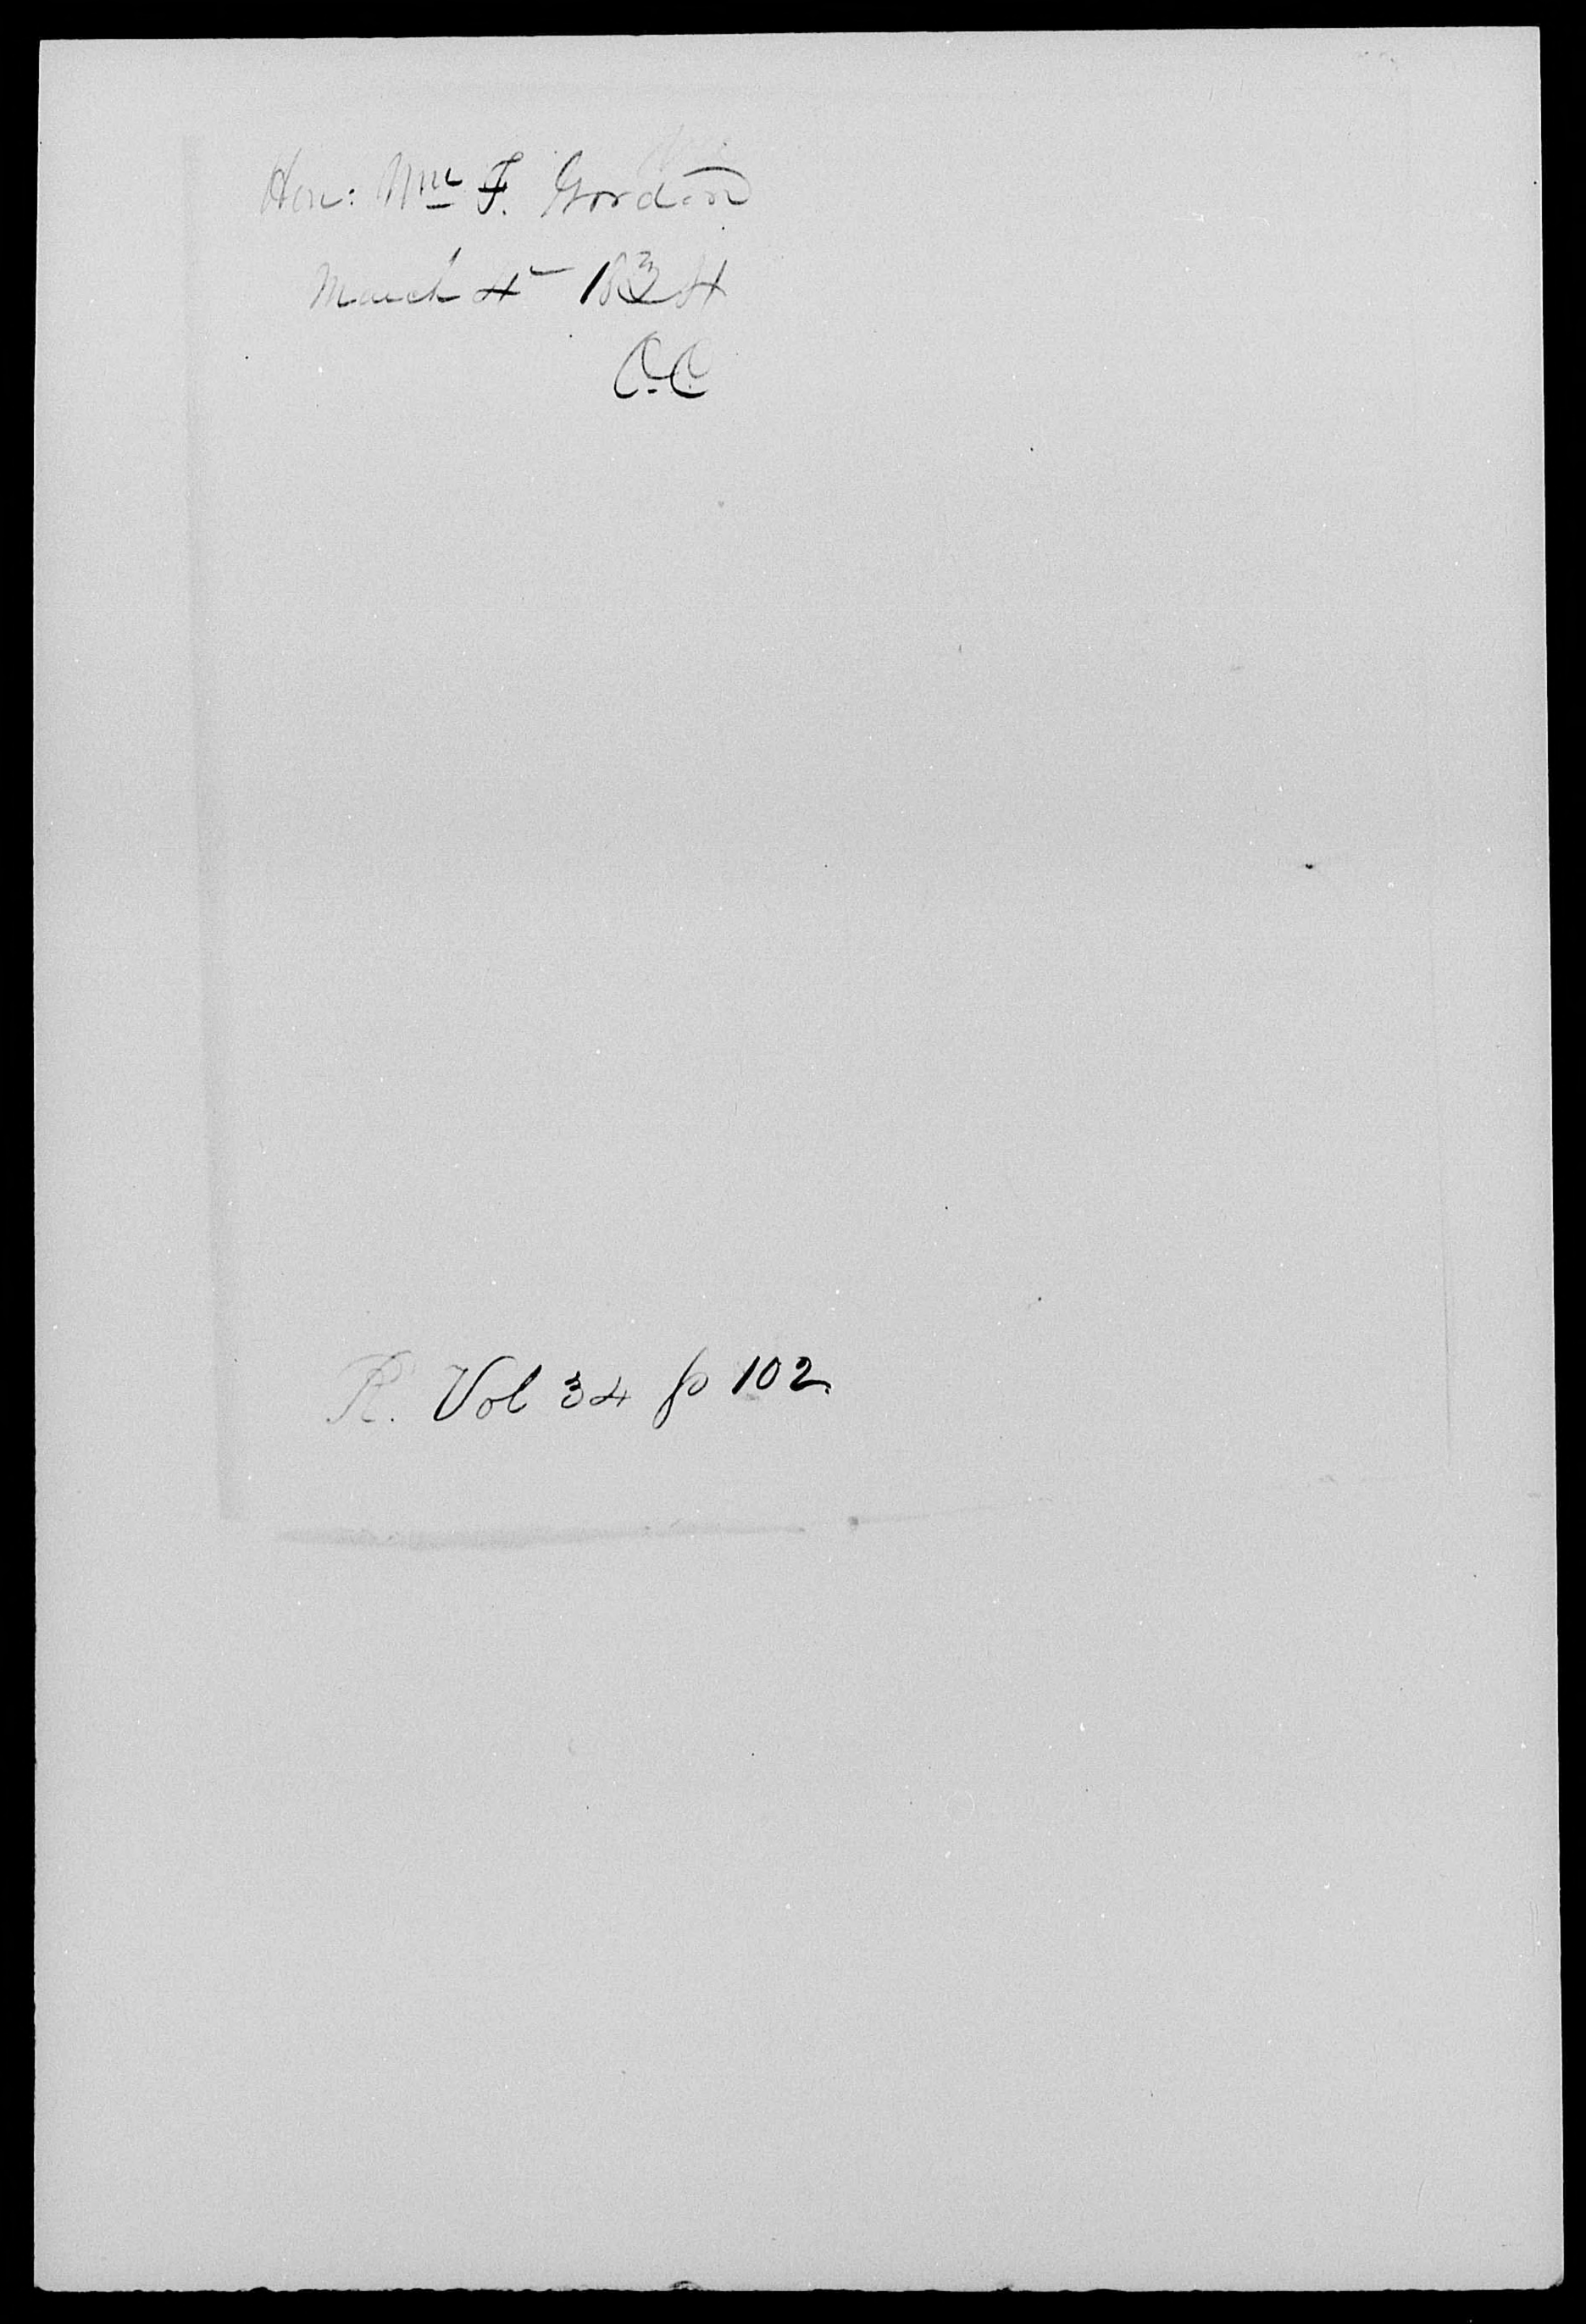Hon Wm F Gordon
March 4 1834

OC

R Vol 34 p 102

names: Wm F Gordon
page: 8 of 21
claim: rejected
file: R. 2,896, Charles Duzua, French